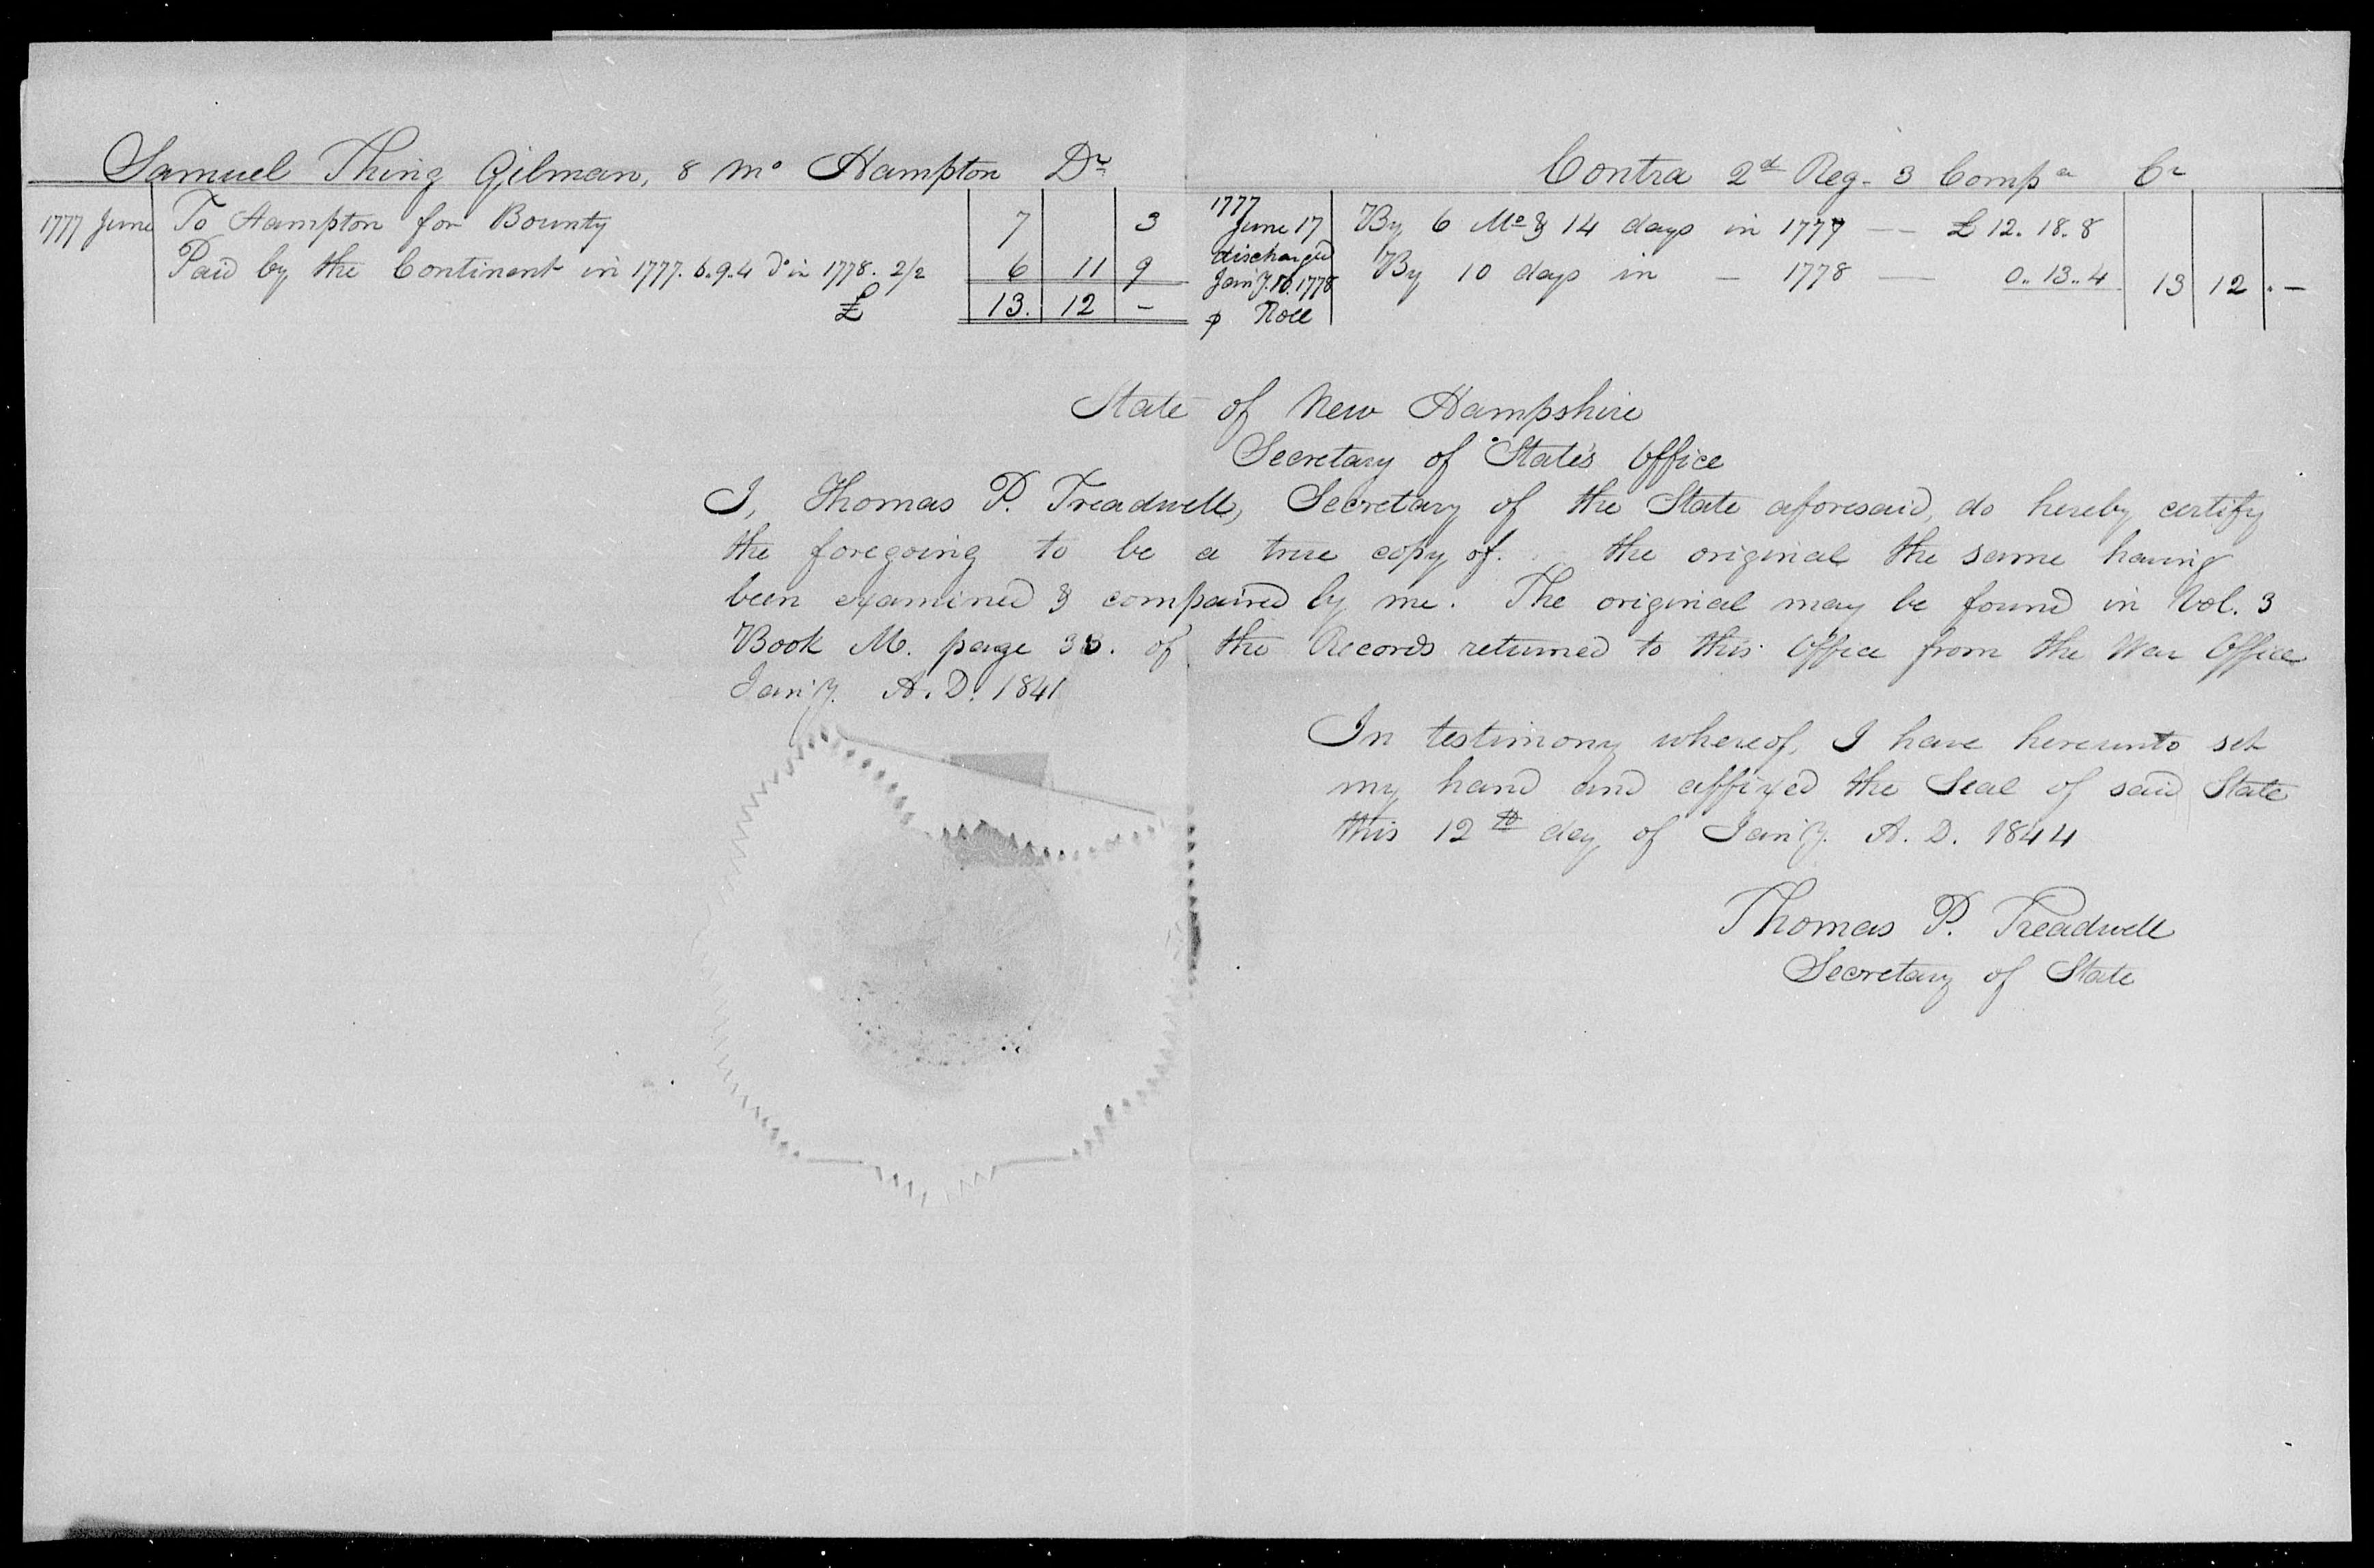Samuel Thing Gilman, 8 Mo Hampton Dr.
1777 June To Hampton for Bounty 7 | -- | 3
Paid by the Continent in 1777. 6.9.4 Dc in 1778 2/2 6 | 11 | 9
Pounds 13 | 12 | 00

Contra 2d Reg. 3 Comp a [illegible]
1777 June 17 discharged January 10, 1778 & Roll | By 6 Mos & 14 days in 1777 pounds 12.18.8
By 10 days in 1778 0.13.4 13 | 12 | 00

State of New Hampshire
Secretary of State's Office
I, Thomas P. Treadwell, Secretary of the State aforesaid, do hereby certify the foregoing to be a true copy of the original the same having been examined & compared by me. The original may be found in Vol. 3 Book M. page 38 of the Records returned to this Office from the War Office Jany. A.D. 1841.

In testimony whereof, I have hereunto set my hand and affixed the Seal of the said State this 12th day of Jany. A.D. 1844.

Thomas P. Treadwell
Secretary of State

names: Samuel Thing Gilman, Thomas P Treadwell, Thomas P Treadwell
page: 56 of 61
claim: widow's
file: W. 19500, Samuel Thing Gilman, Continental N.H.